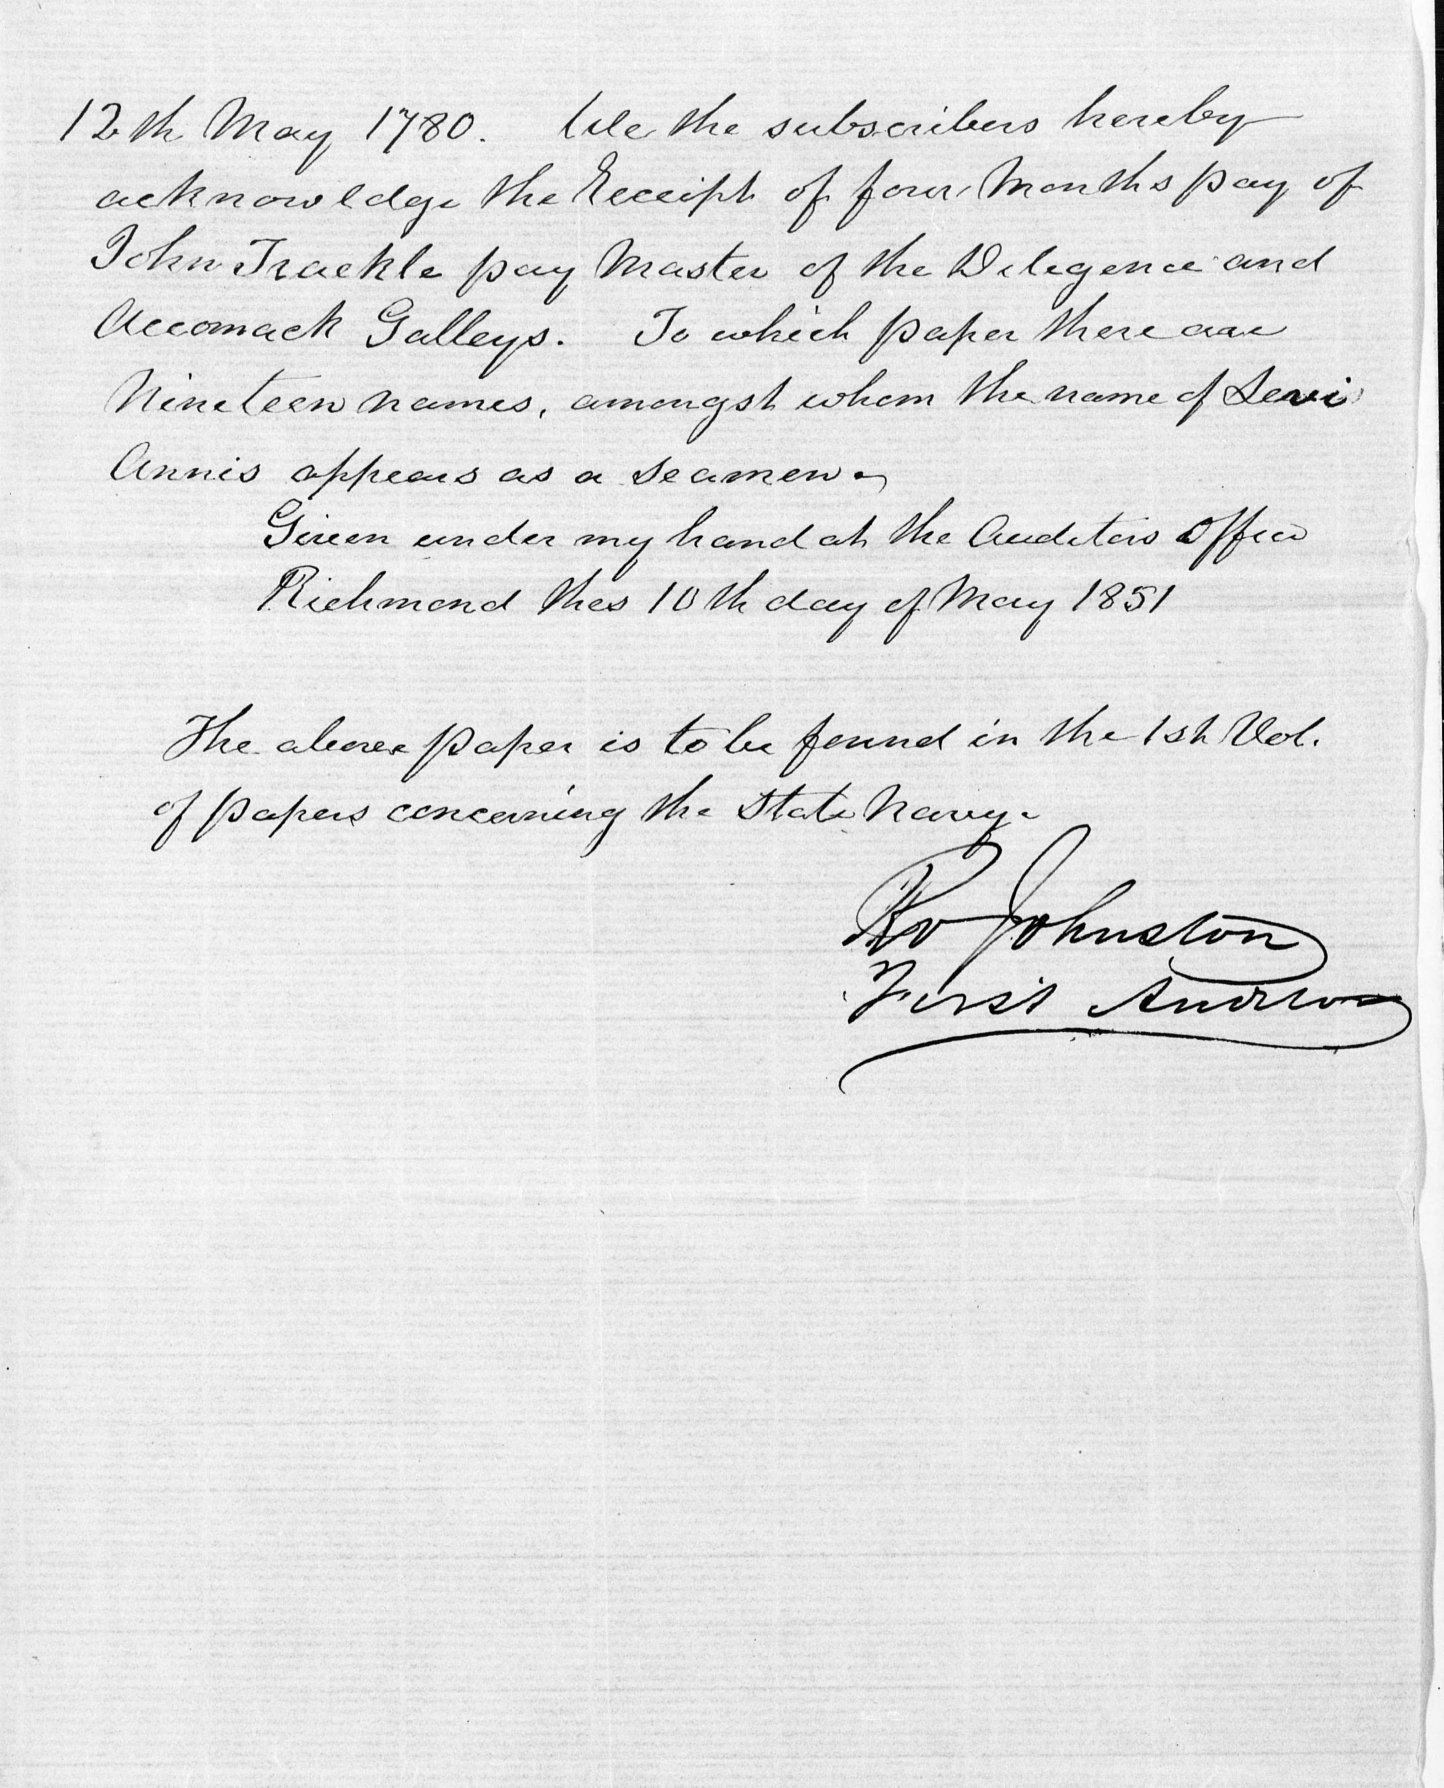12th May 1780  We the subscribers hereby acknowledge the receipt of four months pay of John Trackle pay master of the Diligence and Accomack Galleys.  To which paper there are nineteen names, amongst whom the name of Levi Annis appears as a seaman.
Given under my hand at the Auditor's Office Richmond this 10th day of May 1851

The above paper is to be found in the 1st Vol. of papers concerning the State Navy.
R.V. Johnston
First Auditor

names: Levi Annis, Johnston, John Trackle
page: 23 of 27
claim: widow's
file: W 5624, Levi Annis, Va. Va. Sea Service